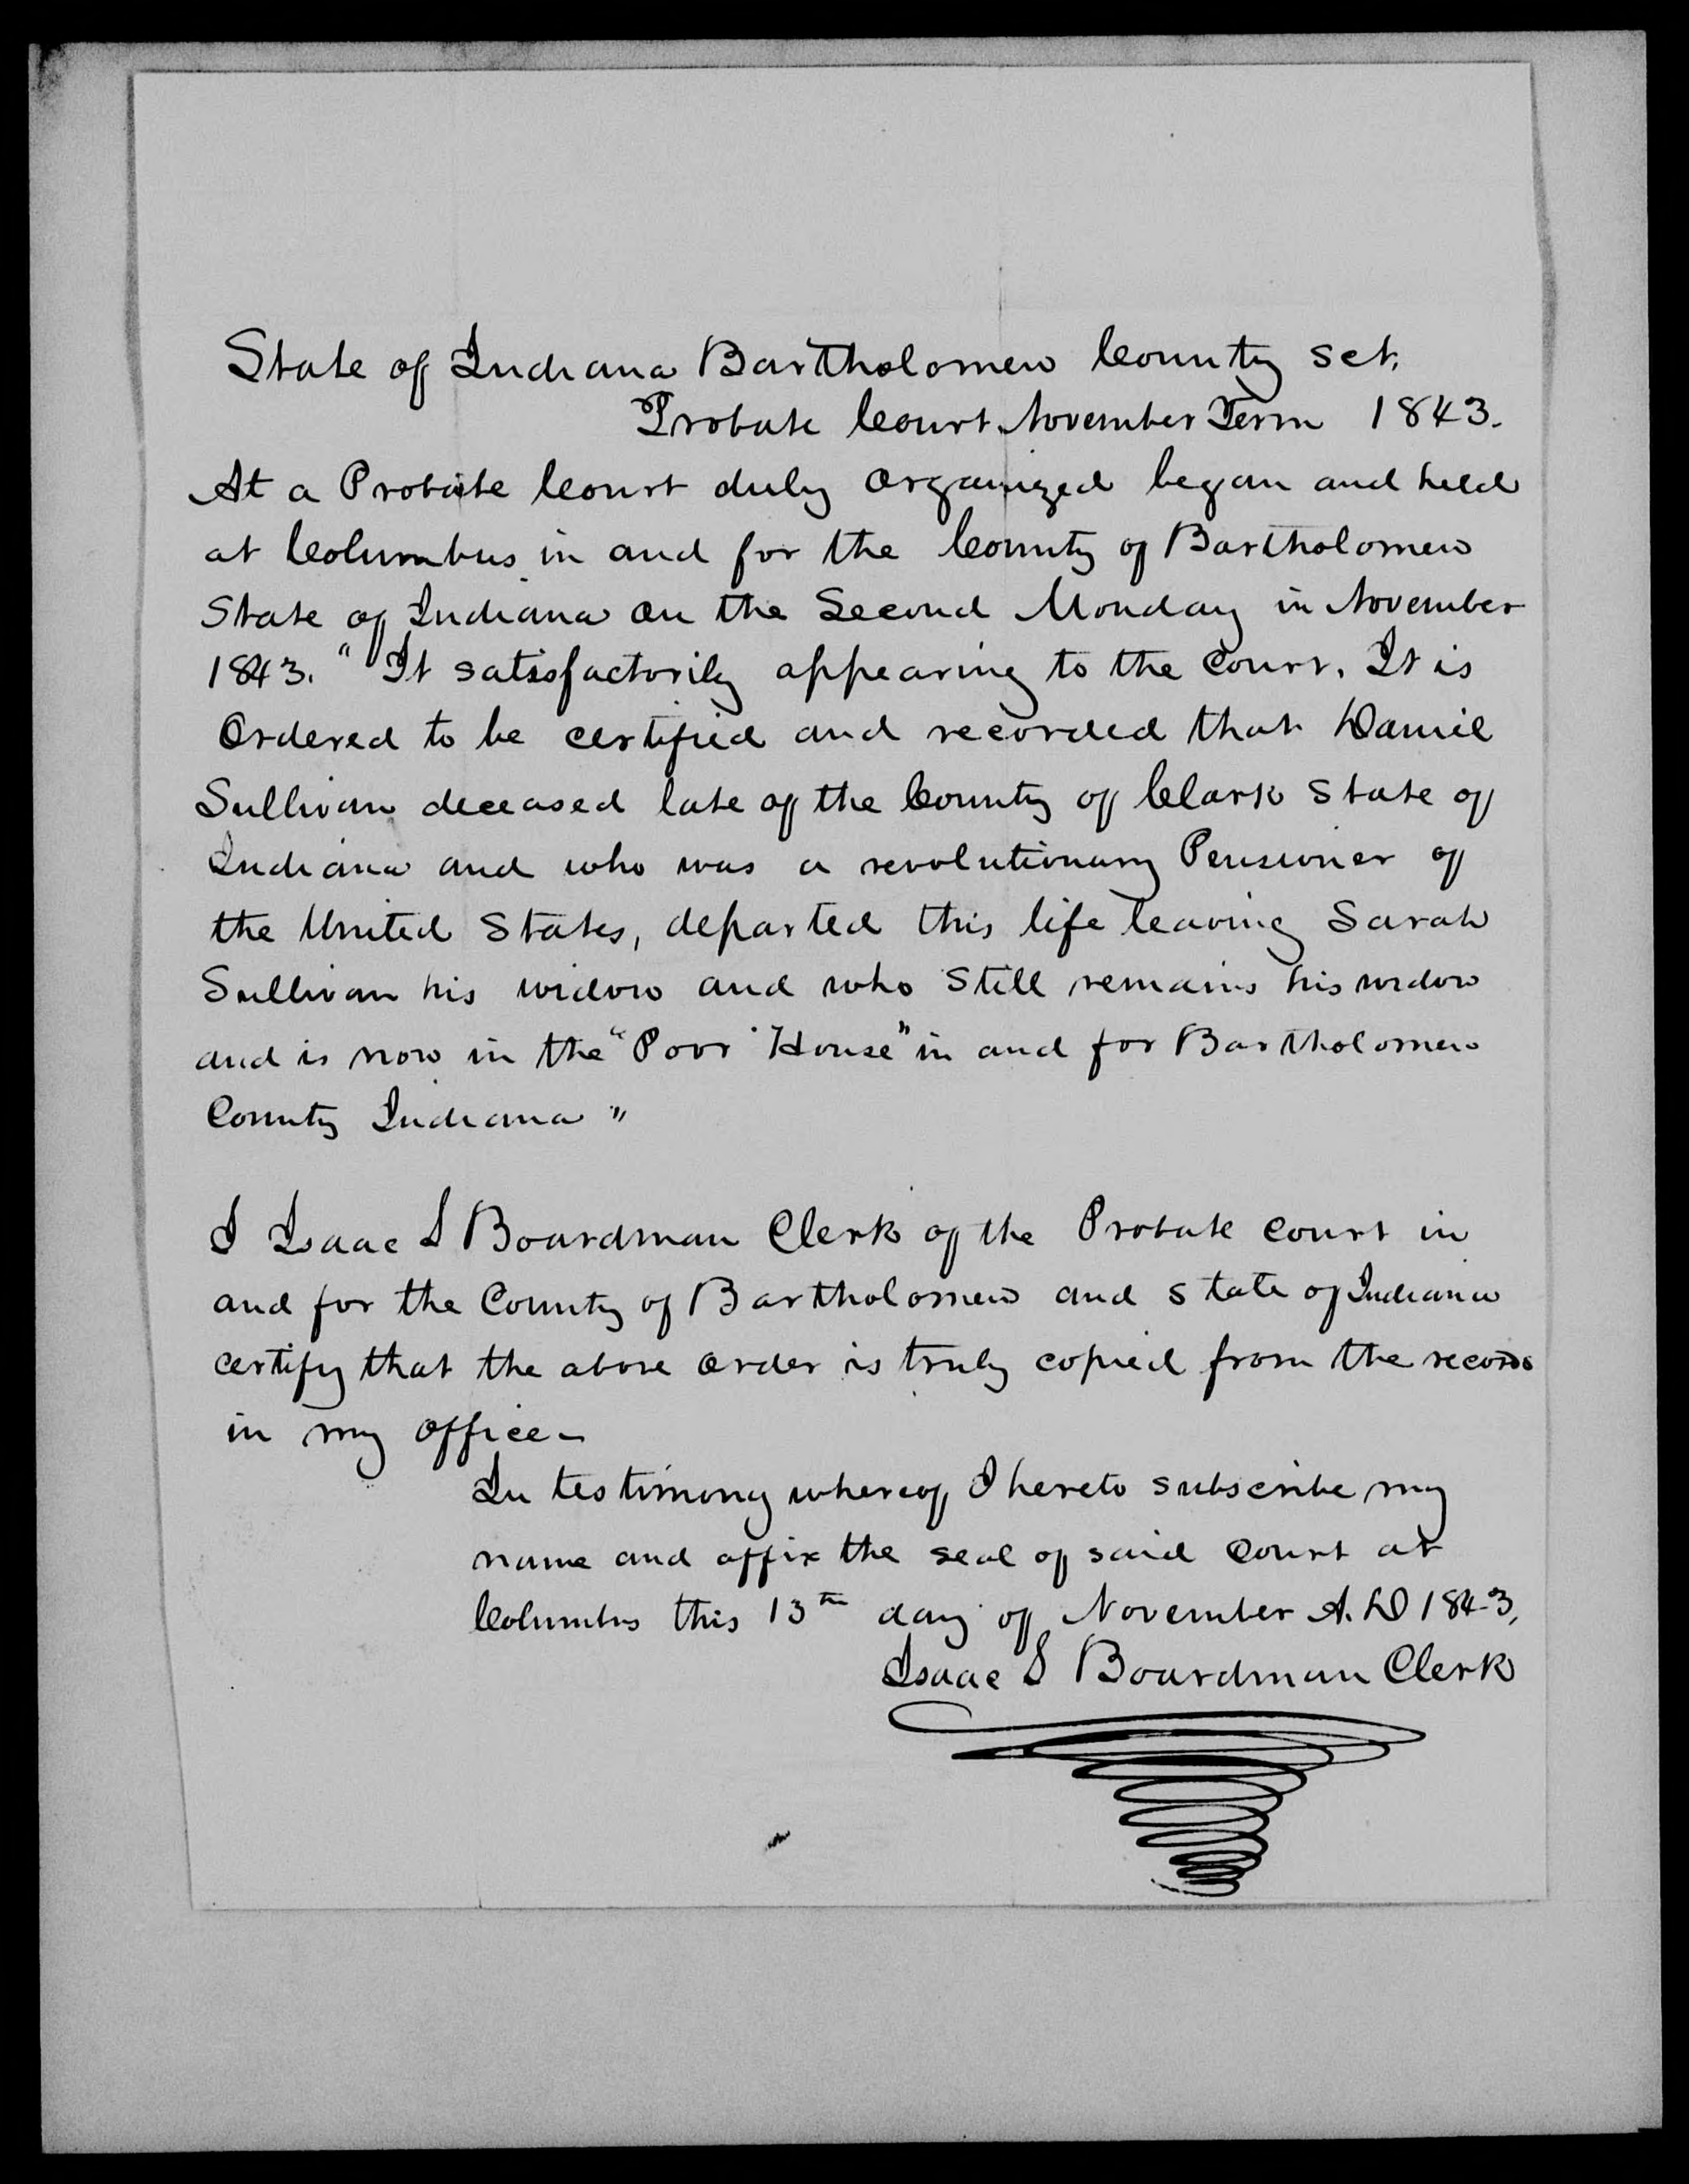State of Indiana Bartholomew County Sct.
Probate Court November Term 1843.
At a Probate Court duly organized began and held at Columbus in and for the County of Bartholomew State of Indiana on the Second Monday in November 1843. "It satisfactorily appearing to the court. It is ordered to be certified and recorded that Daniel Sullivan deceased late of the County of Clark State of Indiana and who was a revolutionary Pensioner of the United States, departed this life leaving Sarah Sullivan his widow and who still remains his widow and is now in the "Poor House" in and for Bartholomew County Indiana"

I Isaac S. Boardman Clerk of the Probate Court in and for the County of Bartholomew and State of Indiana certify that the above order is truly copied from the records in my office--
In testimony whereof I hereto subscribe my name and affix the seal of said court at Columbus this 13th day of November A.D. 1843.
[signed] Isaac S Boardman Clerk

[illegible Notary Seal affixed at left]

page: 59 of 78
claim: widow's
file: W. 25,169, for Daniel Sullivan, Maryland